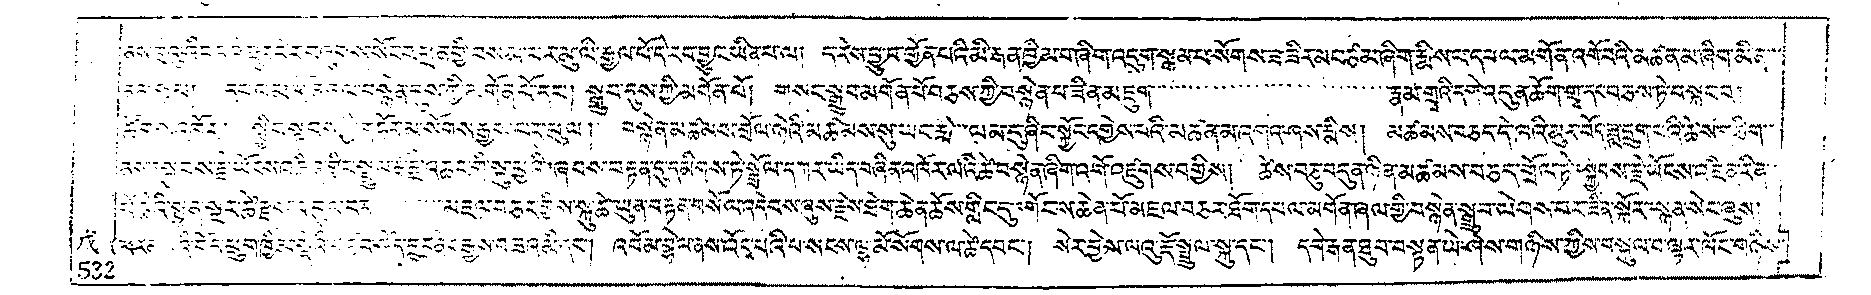ནས་ཁྲིའུ་ཤིང་དེའི་ཟུར་དེར་བཞུགས་སོང་བ་ཕྲན་གྱི་བསམ་པར་མུ་ལི་རྒྱལ་པོ་དེ་རབ་བྱུང་ཡིན་པ་ལ། ད་རེས་ཕྱུ་བ་གྱོན་པའི་མི་རྒན་ཁྱིམ་པ་ཞིག་འདུག་སྙམ་པ་སོགས་ཟ་ཟིར་མང་ཙམ་ཞིག་རྨིས་པ་དཔལ་མགོན་འགོ་བའི་མཚན་མ་ཞིག་མིན་
ནམ་སྙམ། དཔལ་མགོན་ཞལ་བསྙེན་དུས་ཀྱི་མགོན་པོ་དང་། སྒྲུབ་དུས་ཀྱི་མགོན་པོ། གསང་སྒྲུབ་མགོན་པོ་བཅས་ཀྱི་བསྙེན་པ་ཟིན་མཇུག་རྣམ་གྲྭའི་དགེ་འདུན་ཆོག་གྲྭ་དང་བཅས་ཏེ་བསྐང་བ།
ཚོགས་འཁོར། སྤྱི་བསྟབས་ཀྱི་གཏོར་མ་སོགས་རྒྱས་པར་ཕུལ། བསྙེན་མཚམས་གྲོལ་ཉེའི་མཚམས་སུ་ཡང་རྨི་ལམ་དུ་ཞིང་སྐྱོང་དགྱེས་པའི་མཚན་མ་འགའ་ཤས་རྨིས། མཚམས་བཅད་དེ་ཁའི་མུར་བོད་ཟླ་དྲུག་པའི་ཚེས་གཅིག་
ནས་༧སྐྱབས་རྗེ་ཡོངས་འཛིན་གླིང་སྤྲུལ་རྡོ་རྗེ་འཆང་གི་སྐུ་ཕྱའི་༧ཞབས་བརྟན་དུ་དམིགས་ཏེ་སྒྲོལ་དཀར་ཡིད་བཞིན་འཁོར་ལོའི་ཚེ་བསྙེན་ཞིག་འགོ་འཛུགས་བགྱིས། ཚེས་བཅུ་བདུན་ཉིན་མཚམས་བཅད་གྲོལ་ཏེ་༧སྐྱབས་རྗེ་ཡོངས་འཛིན་རིན་
པོ་ཆེའི་སྤྱན་སྔར་ཚེ་རྫས་འབུལ་བར་མཇལ་བཅར་གྱིས་སྐུ་ཚེ་ཡུན་བརྟན་གསོལ་འདེབས་ཞུས་རྗེས་ཐེག་ཆེན་ཆོས་གླིང་དུ་༧གོང་ས་ཆེན་པོ་མཇལ་བཅར་ཐོག་དཔལ་མགོན་ཞལ་གྱི་བསྙེན་སྒྲུབ་ལེགས་པར་ཟིན་སྐོར་༧སྙན་སེང་ཞུས།
ཕ་རན་སིའི་བོད་ཕྲུག་ཁྱིམ་སྡེའི་ཕ་ཚབ་ཤོད་དྲུང་ནོར་རྒྱས་བཟའ་མི་དང་། འབོམ་བྷེལ་ནས་འོངས་པའི་པ་སངས་ལྷ་མོ་སོགས་ལ་ཚེ་དབང་། སེར་བྱེས་ལའུ་རྡོ་སྤྲུལ་སྐུ་དང་། དགེ་རྒན་ཐུབ་བསྟན་ཡེ་ཤེས་གཉིས་ཀྱིས་བསྐུལ་བ་ལྟར་ཁོང་གཉིས་